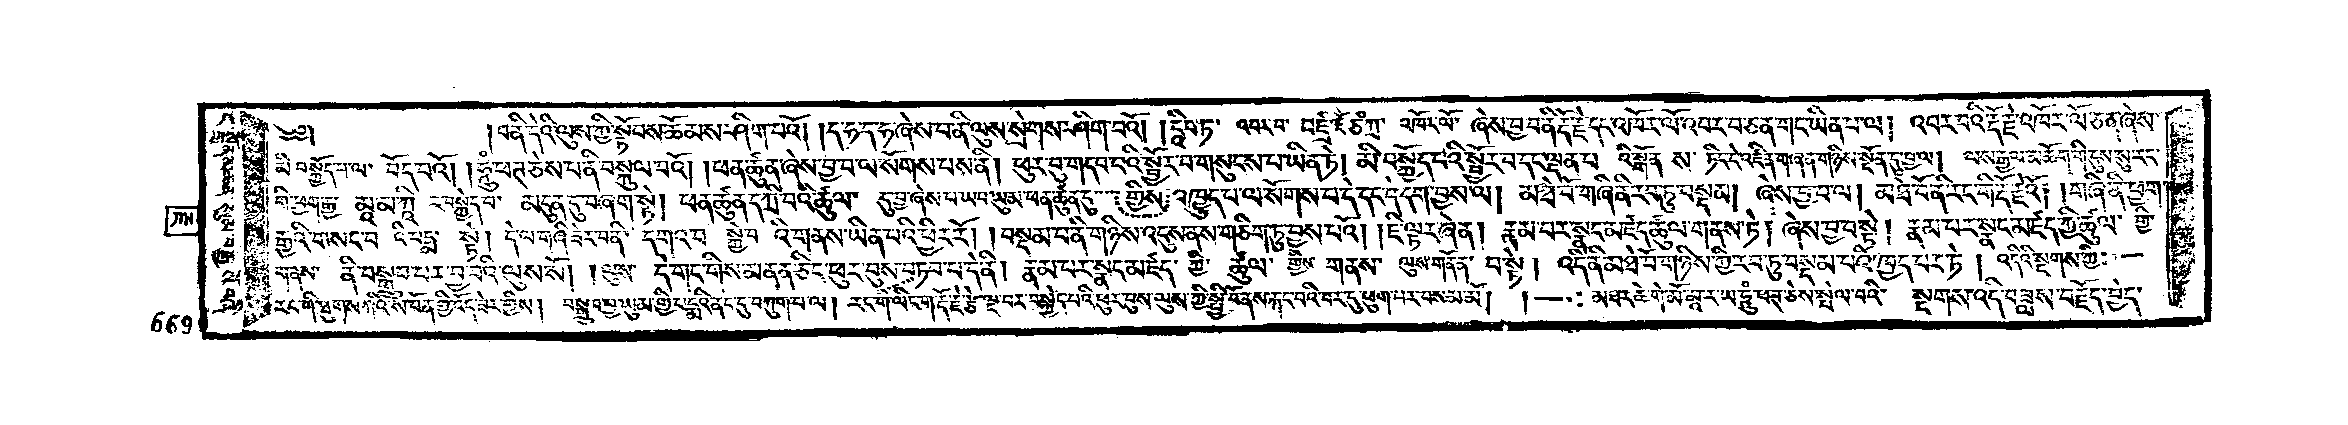༄༅། །པ་ནི་དེའི་ལུས་ཀྱི་སྟོབས་ཆོ་མས་ཤིག་པའོ། །ད་ཧ་ད་ཧ་ཞེས་པ་ནི་ལུས་སྲེགས་ཤིག་པའོ། །དཱི་ཏ་འབར་བ་བཛྲ་རྡོ་ཙ་ཀྲ་འཁོར་ལོ་ཞེས་བྱ་བ་ནི་རྡོ་རྗེ་དང་འཁོར་ལོ་འབར་བ་ཅན་གང་ཡིན་པ་ལ། འབར་བའི་རྡོ་རྗེ་འཁོར་ལོ་ཅན་ཞེས་
མི་བསྐྱོད་པ་ལ་བོད་པའོ། །ཧཱུཾ་ཕཊ་ཅེས་པ་ནི་བསྐུལ་བའོ། །ཕན་ཚུན་ཞེས་བྱ་བ་ལ་སོགས་པས་ནི། ཕུར་བུ་གདབ་པའི་སྦྱོར་བ་གསུངས་པ་ཡིན་ཏེ། མི་བསྐྱོད་པའི་སྦྱོར་བ་དང་ལྡན་པའི་སྒོ་ནས་ཏིང་ངེ་འཛིན་གཞན་གཉིས་སྔོན་དུ་བྱ་ལ། ལས་རྒྱལ་མཆོག་གི་དུས་སུ་རང་
གི་ཕྱག་རྒྱ་མཱ་མ་ཀཱི་ར་བསྐྱེད་པ་མདུན་དུ་བཞག་སྟེ། ཕན་ཚུན་དཀྲི་བའི་ཚུལ་དུ་བྱ་ཞེས་པ་ཡབ་ཡུམ་ཕན་ཚུན་དུ་གྱིས་འཁྱུད་པ་ལ་སོགས་པ་དེ་དང་དེ་དག་བྱས་ལ། མཐེ་པོ་གཞི་ནི་རབ་ཏུ་བསྡམ། ཞེས་བྱ་བ་ལ། མཐེ་བོ་ནི་རང་གི་རྡོ་རྗེའོ། །གཞི་ནི་ཕྱག་
རྒྱའི་གསང་བའི་པདམ་སྟེ། དེ་ལ་གཞི་ཟེར་བ་ནི་དགའ་བ་སྐྱེ་བའི་གནས་ཡིན་པའི་ཕྱིར་རོ། །བསྡམ་པ་ནི་གཉིས་འདུས་ནས་གཅིག་ཏུ་བྱས་པའོ། །ཇི་ལྟར་ཞེ་ན། རྣམ་པར་སྣང་མཛད་ཚུལ་
གནས་ཏེ། ཞེས་བྱ་བ་སྟེ། རྣམ་པར་སྣང་མཛད་ཀྱི་སུལ་གྱིས་
གནས་ནི་བསྒྲུབ་པར་བྱ་བའི་ལུས་སོ། ། ལུས་དེ་གང་གིས་མནན་ཅིང་ཕུར་བུས་བཏབ་པ་དེ་ནི། རྣམ་པར་སྣང་མཛད་ཀྱི་ཚུལ་གྱིས་གནས་ལུས་གནོན་པ་སྟེ། འདི་ནི་མཐེ་བོ་གཉིས་ཀྱི་རབ་ཏུ་བསྡམ་པའི་ཁྱད་པར་ཏེ། འདིའི་སྔགས་ཀྱིཿ
རང་གི་ཐུགས་ཀའི་ས་བོན་གྱི་འོད་ཟེར་གྱིས། བསྒྲུབ་བྱ་ཡུམ་གྱི་པདམའི་ནང་དུ་བཀུག་པ་ལ། རང་གི་ལིང་ག་རྡོ་རྗེ་རྩེ་ལྔ་བར་བསྐྱེད་པའི་ཕུར་བུས་ལུས་ཀྱི་སྤྱི་བོ་ནས་རྐང་པའི་བར་དུ་ཕུག་པར་བསམ་མོ། །.H མཐར་ཆེ་གེ་མོ་མཱ་ར་ཡ་ཧཱུཾ་ཕཊ་ཅེས་སྤེལ་བའི་སྔགས་འདི་བཟླས་བརྗོད་བྱེད་